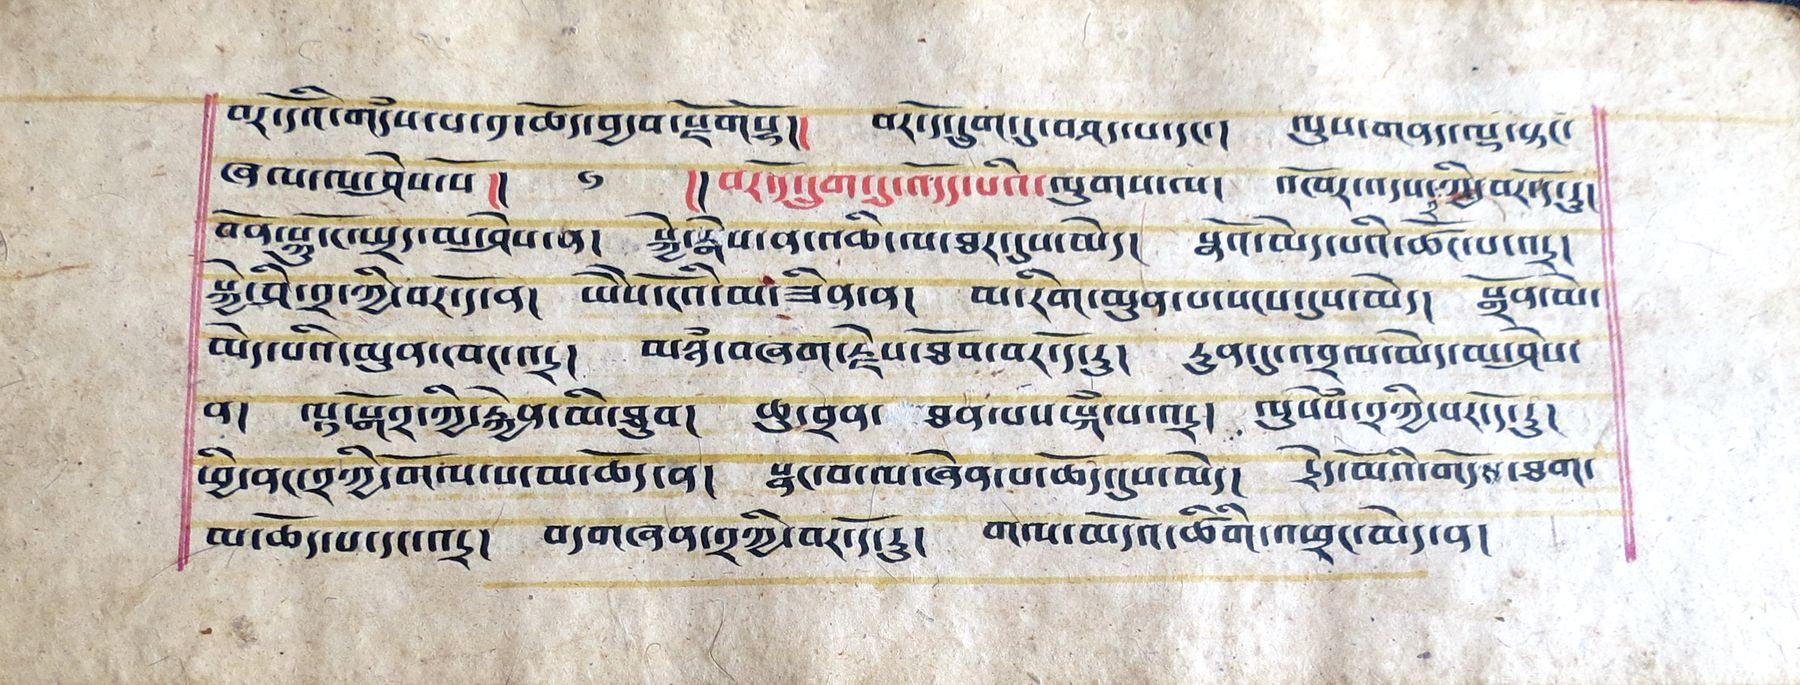བར་དོའི་གདམས་པ་གཅིག་ཆོད་བྱ་བ་རྫོགས་སོ། །བར་དོ་དྲུག་ཏུ་བཤད་པ་དང་། ལུང་གནད་ལྟ་སྟངས་
ཞལ་ལས་ཤེས་སོ། །བར་དོ་དྲུག་ཏུ་འདོད་པའི་ལུགས་ལ། འཁོར་འདས་གཉིས་ཀྱི་བར་དོ་རུ། 
བོན་སྐུ་ངོ་སྤྲད་མ་ཤེས་ན། སྐྱེ་རྒ་ན་འཆི་ལ་ཐར་དུས་མེད། སྣའོ་མེད་པའི་ཚོང་པ་འདྲ། 
སྐྱེ་ཤི་གཉིས་ཀྱི་བར་དོ་ན། ཡེ་ཤེས་ངོ་ཡིས་མ་ཟིན་ན། མ་རིག་པ་མུན་པ་སངས་དུས་མེད། སྒྲོན་མེ་
མེད་པའི་མུན་ཁང་འདྲ། མཉམ་གཞག་རྗེས་ཐོབ་བར་དོ་རུ། རྒྱུན་དུ་འབྲལ་མེད་མ་ཤེས་
ན། ལྟ་སྒོ་གཉིས་ཀྱི་རྐྱེན་མི་ཐུབ། ཆུ་བྲན་ཐན་པས་སྐམ་པ་འདྲ། ལུས་སེམས་གཉིས་ཀྱི་བར་དོ་རུ། 
ཕྱི་ནང་གཉིས་ཀྱི་གོལ་ས་མ་ཆོད་ན། སྣང་བ་ལ་ཞེན་པ་ཆོད་དུས་མེད། དྲེད་མོའི་གདོས་ཐག་
མ་ཆོད་པ་དང་འདྲ། བདག་གཞན་གཉིས་ཀྱི་བར་དོ་རུ། གལ་མདོའི་ཚིག་གི་འཕྲང་མེད་ན།